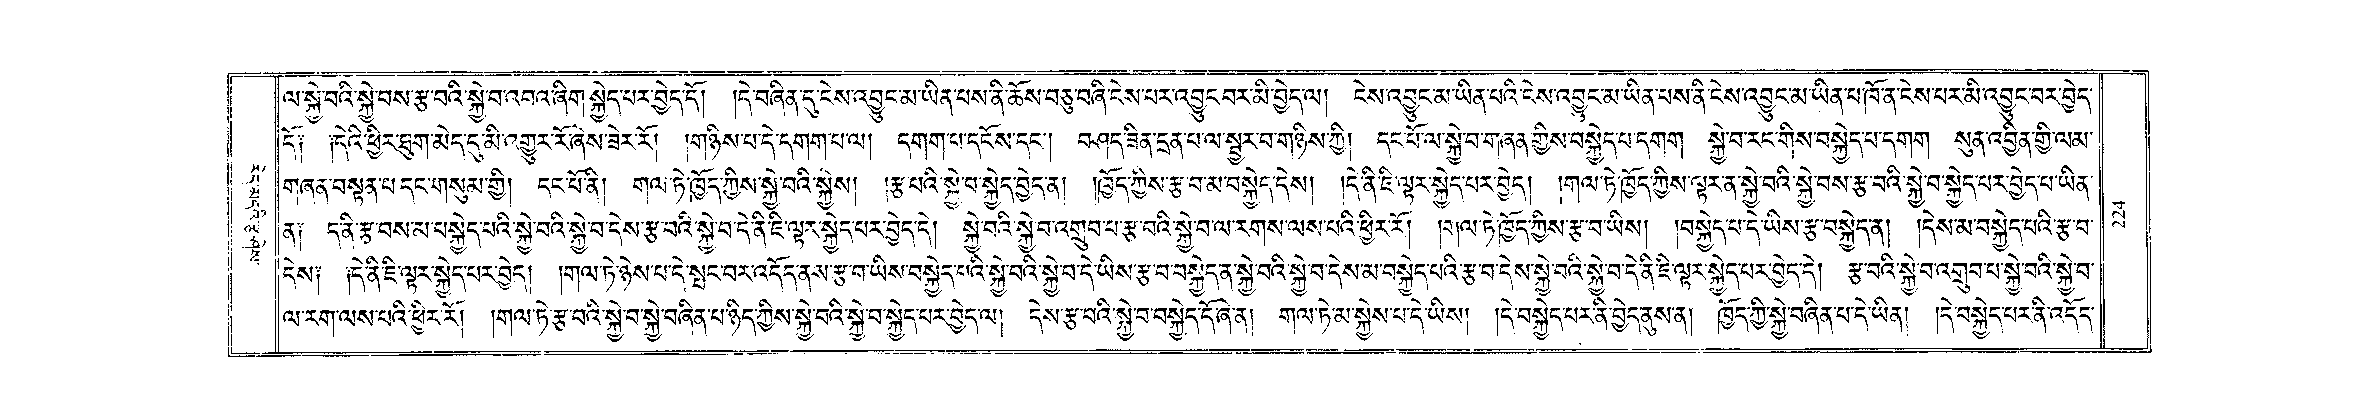ལ་སྐྱེ་བའི་སྐྱེ་བས་རྩ་བའི་སྐྱེ་བ་འབའ་ཞིག་སྐྱེད་པར་བྱེད་དོ། །དེ་བཞིན་དུ་ངེས་འབྱུང་མ་ཡིན་པས་ནི་ཆོས་བཅུ་བཞི་ངེས་པར་འབྱུང་བར་མི་བྱེད་ལ། ངེས་འབྱུང་མ་ཡིན་པའི་ངེས་འབྱུང་མ་ཡིན་པས་ནི་ངེས་འབྱུང་མ་ཡིན་པ་ཁོ་ན་ངེས་པར་མི་འབྱུང་བར་བྱེད་
དོ༑ ༑དེའི་ཕྱིར་ཐུག་མེད་དུ་མི་འགྱུར་རོ་ཞེས་ཟེར་རོ། །གཉིས་པ་དེ་དགག་པ་ལ། དགག་པ་དངོས་དང་། བཤད་ཟིན་དྲན་པ་ལ་སྦྱར་བ་གཉིས་ཀྱི། དང་པོ་ལ་སྐྱེ་བ་གཞན་གྱིས་བསྐྱེད་པ་དགག་སྐྱེ་བ་རང་གིས་བསྐྱེད་པ་དགག་སུན་འབྱིན་གྱི་ལམ་
གཞན་བསྟན་པ་དང་གསུམ་གྱི། དང་པོ་ནི། གལ་ཏེ་ཁྱོད་ཀྱིས་སྐྱེ་བའི་སྐྱེས། །རྩ་པའི་སྐྱེ་བ་སྐྱེད་བྱེད་ན། །ཁྱོད་ཀྱིས་རྩ་བ་མ་བསྐྱེད་དེས། །དེ་ནི་ཇི་ལྟར་སྐྱེད་པར་བྱེད། །གལ་ཏེ་ཁྱོད་ཀྱིས་ལྟར་ན་སྐྱེ་བའི་སྐྱེ་བས་རྩ་བའི་སྐྱེ་བ་སྐྱེད་པར་བྱེད་པ་ཡིན་
ན༑ ད་ནི་རྩ་བས་མ་བསྐྱེད་པའི་སྐྱེ་བའི་སྐྱེ་བ་དེས་རྩ་བའི་སྐྱེ་བ་དེ་ནི་ཇི་ལྟར་སྐྱེད་པར་བྱེད་དེ། སྐྱེ་བའི་སྐྱེ་བ་འགྲུབ་པ་རྩ་བའི་སྐྱེ་བ་ལ་རགས་ལས་པའི་ཕྱིར་རོ། །གལ་ཏེ་ཁྱོད་ཀྱིས་རྩ་བ་ཡིས། །བསྐྱེད་པ་དེ་ཡིས་རྩ་བསྐྱེད་ན། །དེས་མ་བསྐྱེད་པའི་རྩ་བ་
དེས༑ ༑དེ་ནི་ཇི་ལྟར་སྐྱེད་པར་བྱེད། །གལ་ཏེ་ཉེས་པ་དེ་སྤང་བར་འདོད་ནས་རྩ་བ་ཡིས་བསྐྱེད་པའི་སྐྱེ་བའི་སྐྱེ་བ་དེ་ཡིས་རྩ་བ་བསྐྱེད་ན་སྐྱེ་བའི་སྐྱེ་བ་དེས་མ་བསྐྱེད་པའི་རྩ་བ་དེས་སྐྱེ་བའི་སྐྱེ་བ་དེ་ནི་ཇི་ལྟར་སྐྱེད་པར་བྱེད་དེ། རྩ་བའི་སྐྱེ་བ་འགྲུབ་པ་སྐྱེ་བའི་སྐྱེ་བ་
ལ་རག་ལས་པའི་ཕྱིར་རོ། །གལ་ཏེ་རྩ་བའི་སྐྱེ་བ་སྐྱེ་བཞིན་པ་ཉིད་ཀྱིས་སྐྱེ་བའི་སྐྱེ་བ་བསྐྱེད་པར་བྱེད་ལ། དེས་རྩ་བའི་སྐྱེ་བ་བསྐྱེད་དོ་ཞེ་ན། གལ་ཏེ་མ་སྐྱེས་པ་དེ་ཡིས། །དེ་བསྐྱེད་པར་ནི་བྱེད་ནུས་ན། ཁྱོད་ཀྱི་སྐྱེ་བཞིན་པ་དེ་ཡིན། །དེ་བསྐྱེད་པར་ནི་འདོད་